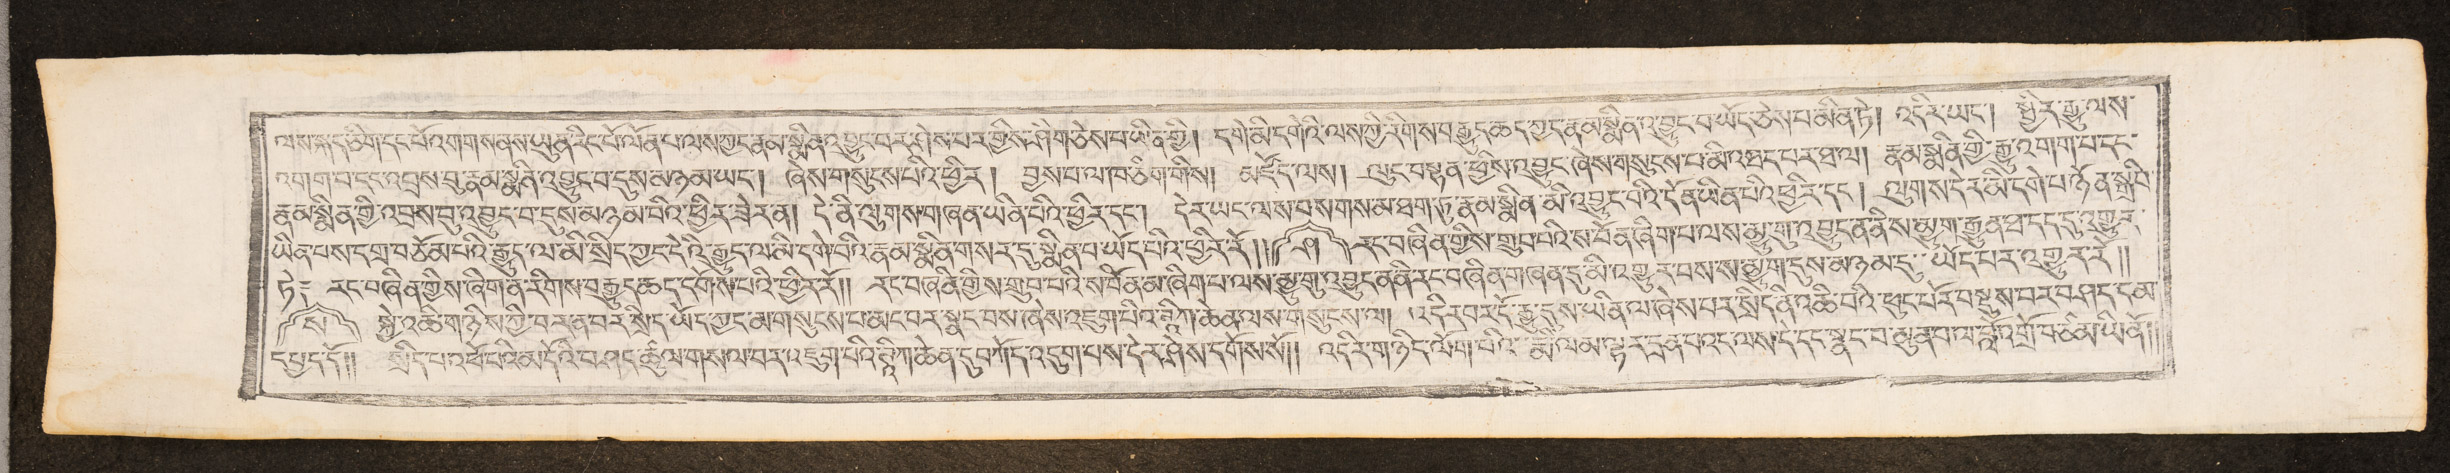ལས་སྐད་ཅིག་དང་པོ་འགགས་ནས་ཡུན་རིང་པོ་ལོན་པ་ལས་ཀྱང་རྣམ་སྨིན་འབྱུང་བར་ཤེས་པར་གྱིས་ཤིག་ཅེས་པ་ཡིན་གྱི། དགེ་མི་དགེའི་ལས་ཀྱི་རིགས་བརྒྱུད་ཆད་ཀྱང་རྣམ་སྨིན་འབྱུང་བ་ཡོད་ཅེས་པ་མིན་ཏེ། འདིར་ཡང་། སྤྱིར་རྒྱུ་ལས་
འགག་པ་དང་འབྲས་བུ་རྣམ་སྨིན་འབྱུང་བ་དུས་མཉམ་ཡང་། ཞེས་གསུངས་པའི་ཕྱིར། བྱས་པ་ལ་ཁ་ཅིག་གིས། མཛོད་ལས། ལུང་བསྟན་ཕྱིས་འབྱུང་ཞེས་གསུངས་པ་མི་འཐད་པར་ཐལ། རྣམ་སྨིན་གྱི་རྒྱུ་འགག་པ་དང་
རྣམ་སྨིན་གྱི་འབྲས་བུ་འབྱུང་བ་དུས་མཉམ་པའི་ཕྱིར་ཟེར་ན། དེ་ནི་ལུགས་གཞན་ཡིན་པའི་ཕྱིར་དང་། དེར་ཡང་ལས་བསགས་མ་ཐག་ཏུ་རྣམ་སྨིན་མི་འབྱུང་བའི་དོན་ཡིན་པའི་ཕྱིར་དང་། ལུགས་དེར་མི་དགེ་བ་ཉོན་སྒྲིབ་
ཡིན་པས་དགྲ་བཅོམ་པའི་རྒྱུད་ལ་མི་སྲིད་ཀྱང་དེའི་རྒྱུད་ལ་མི་དགེ་པའི་རྣམ་སྨིན་གསར་དུ་སྨིན་པ་ཡོད་པའི་ཕྱིར་རོ།། ༼༽ཤ༼༽ རང་བཞིན་གྱིས་གྲུབ་པའི་ས་བོན་ཞིག་པ་ལས་མྱུ་གུ་འབྱུང་ན་ནི་ས་མྱུག་རྒྱུན་ཐ་དད་དུ་འགྱུར་
ཏེ༑ རང་བཞིན་གྱིས་ཞིག་ན་རིགས་བརྒྱུད་ཆད་དགོས་པའི་ཕྱིར་རོ།། རང་བཞིན་གྱིས་གྲུབ་པའི་ས་བོན་མ་ཞིག་པ་ལས་མྱུ་གུ་འབྱུང་ན་ནི་རང་བཞིན་གཞན་དུ་མི་འགྱུར་བས་ས་མྱུག་དུས་མཉམ་དུ་ཡོད་པར་འགྱུར་རོ།།
༼༽ས༼༽ སྐྱེ་འཆི་གཉིས་ཀྱི་བར་ན་བར་སྲིད་ཡོད་ཀྱང་མ་གསུངས་པ་མང་བར་སྣང་བས་ཞེས་འཇུག་པའི་ཊའིཀ་ཆེན་ལས་གསུངས་ལ། འདིར་བར་དོ་རྒྱུ་དུས་ས་ཡིན་ལ་ཞེས་པར་སྲིད་ནི་འཆི་བའི་ཕུང་པོར་བསྡུས་པར་བཤད་དམ་
དཔྱད་དོ།། སྲིད་པ་འཕོ་བའི་མདོའི་བཤད་ཚུལ་གསལ་བར་འཇུག་པའི་ཊཱིཀ་ཆེན་དུ་བཀོང་འདུག་པས་དེར་ཤེས་དགོས་སོ།། འདིར་གཉིང་ལོག་པའི་རྨི་ལམ་ལྟར་དྲན་པཱང་ལས་དེ་དང་སྣང་བ་མུན་པ་ལ་བློ་འགྲོ་བ་ཙམ་ཡིན་ནོ།།